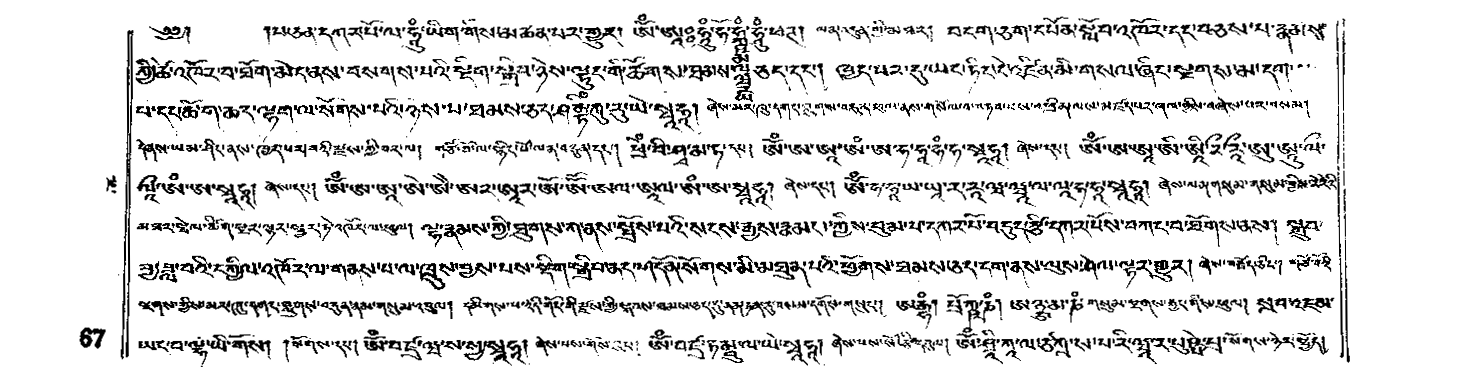༄༅། །པ་ཅན་དཀར་པོ་ལ་ཧཱུཾ་ཡིག་གིས་མཚན་པར་གྱུར། ཨོཾ་ཨཱཿ ཧཱུཾ་ཧོ་ཧྐྵྨླླྦྲྱཾ་ཧཱུཾ་ཕཊ། ལན་འདུན་གྱི་མཐར།  བདག་ཅག་དཔོན་སློབ་འཁོར་དང་བཅས་པ་རྣམས་
ཀྱི་ཚེ་འཁོར་བ་ཐོག་མེད་ནས་བསགས་པའི་སྡིག་སྒྲིབ་ཉེས་ལྟུང་གི་ཚོགས་ཐམས་ཅད་དང་། ཁྱད་པར་དུ་ཡང་ཏིང་ངེ་འཛིན་མི་གསལ་ཞིང་སྔགས་མ་དག་
པ་དང་ཆོ་ག་ཆད་ལྷག་ལ་སོགས་པའི་ཉེས་པ་ཐམས་ཅད་ཤནྟིཾ་ཀུ་རུ་ཡེ་སྭཱཧཱ། ཞེས་མར་ཁུ་དགད་བླུགས་བདུན་ཕུལ་ནས་གསོལ་བ་བཏབ་པས་འཕྲིན་ལས་མཛད་པར་ཞལ་གྱིས་བཞེས་པར་བསམ།
དེ་ནས་ཡམ་ཤིང་ནས་ཁྱད་པར་བའི་རྫས་ཀྱི་བར་ལ། གཙོ་བོ་ལ་སྙིང་པོ་ལན་བདུན་དང་། ཕྲཾ་བི་ཤྭ་མ་ཏ་དང་།  ཨོཾ་ཨ་ཨཱ་ཨཾ་ཨ་ཧ་ཧཱ་ཧཾ་ཧ་སྭཱཧཱ། ཞེས་དང་།  ཨོཾ་ཨ་ཨཱ་ཨི་ཨཱི་རྀ་རཱྀ་ཨུ་ཨཱུ་ལྀ་
ལཱྀ་ཨཾ་ཨ་སྭཱཧཱ། ཞེས་དང་།  ཨོཾ་ཨ་ཨཱ་ཨེ་ཨཻ་ཨར་ཨཱར་ཨོ་ཨཽ་ཨལ་ཨཱལ་ཨཾ་ཨ་སྭཱཧཱ། ཞེས་དང་།  ཨོཾ་ཧ་ཧཱ་ཡ་ཡཱ་ར་རཱ་ཝ་ཝཱ་ལ་ལཱ་ཧ་ཧཱ་སྭཱཧཱ། ཞེས་ལན་གསུམ་གསུམ་གྱིས་རེ་རེའི་
མཐར་ཐེལ་ཚིག་སྔར་ལྟར་སྦྱར་ཏེ་འཁོར་ལ་ཕུལ། ལྷ་རྣམས་ཀྱི་ཐུགས་ཀ་ནས་སྤྲོས་པའི་སངས་རྒྱས་རྣམས་ཀྱིས་བུམ་པ་དཀར་པོ་བདུད་རྩི་དཀར་པོས་བཀད་བ་ཐོགས་ནས། སྒྲུབ་
བྱ་ཟླ་བའི་དཀྱིལ་འཁོར་ལ་གནས་པ་ལ་ཁྲུས་བྱས་པས་སྡིག་སྒྲིབ་ནད་གདོན་སོགས་མི་མཐུན་པའི་ཕྱོགས་ཐམས་ཅད་དག་ནས་ལུས་ཤེལ་ལྟར་གྱུར། ཞེས་བརྗོད་ཅིང་། གཙོ་བོའི་
སྔགས་ཀྱིས་མར་ཁུ་དགང་བླུགས་བདུན་ནམ་གསུམ་འབུལ། དམིགས་པ་འདི་གོང་གི་རྫས་ཀྱི་སྐབས་ཐམས་ཅད་དུ་ནན་ཏན་དུ་བསམ་དགོས་གསུང་། ཨརྒྷཾ། པྲོཀྵ་ཎཾ། ཨཉྩ་མ་ཎཾ་གསུམ་སྔགས་རྐྱང་གིས་འཕུལ།  སྲབ་འཇམ་
ཡང་བ་ལྷ་ཡི་གོས། ། སོགས་དང་།  ཨོཾ་བཛྲ་ཝ་ས་སྱ་སྭཱཧཱ། ཞེས་པས་གོས་ཟུང་།  ཨོཾ་བཛྲ་ཏམྦུ་ལ་ཡེ་སྭཱཧཱ། ཞེས་པས་སོ་རྩིན་དབུལ།  ཨོཾ་ཤྲཱི་ཀཱ་ལ་ཙཀྲ་ས་པ་རི་ཝཱ་ར་པུཥྤེ་པྲ་སོགས་ཉེར་སྤྱོད།